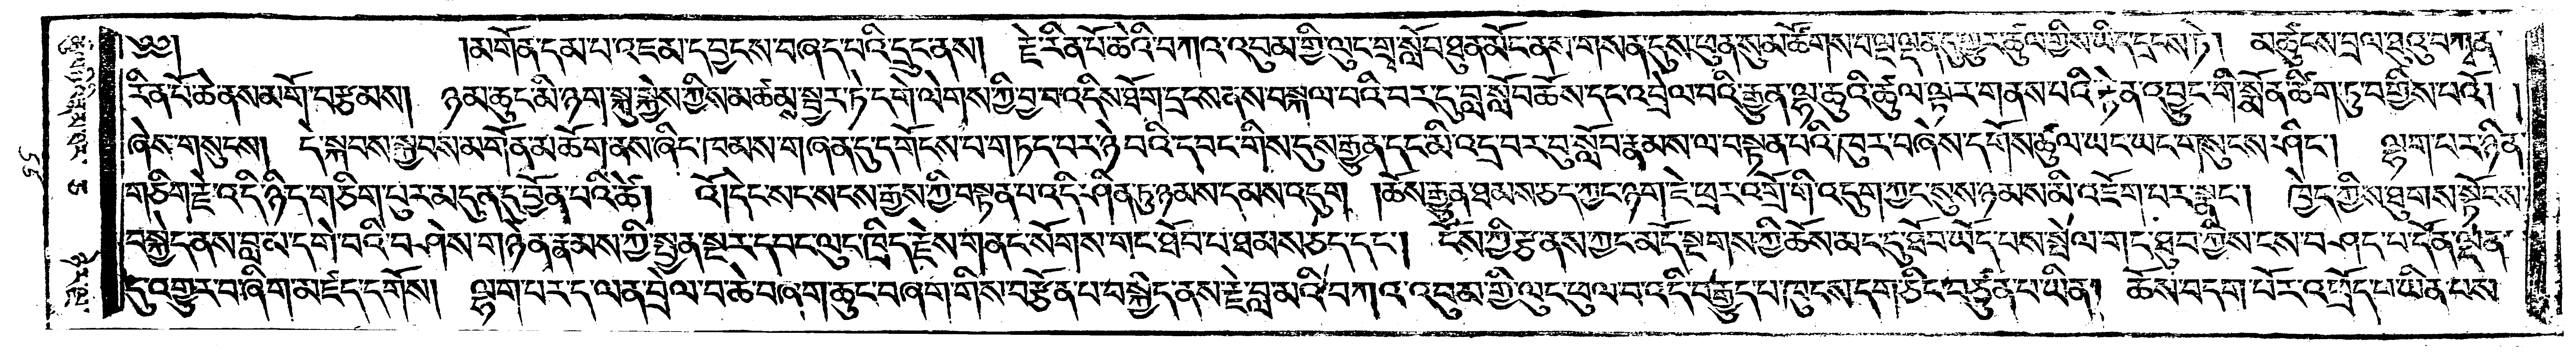༄༅། །མགོན་དམ་པ་འཇམ་དབྱངས་བཞད་པའི་དྲུང་ནས། རྗེ་རིན་པོ་ཆེའི་བཀའ་འབུམ་གྱི་ལུང་གྲྭ་སློབ་ཐུན་མོང་ནས་གསན་དུས་ཕུན་སུམ་ཚོགས་པ་ལྔ་ལྡན་དུ་གྱུར་ཚུལ་གྱིས་ཡིད་དྲངས་ཏེ། མཚུངས་བྲལ་ཐུའུ་བཀྭན་
རིན་པོ་ཆེ་ནས་མགོ་བརྩམས། ཉམ་ཆུང་མི་ཉག་སྐུ་སྐྱེས་ཀྱིས་མཚམས་སྦྱར་ཏེ་དགེ་ལེགས་ཀྱི་བྱ་བ་འདིས་ཐོག་དྲངས་ནས་བསྐལ་བའི་བར་དུ་བླ་སློབ་ཆོས་དང་འབྲེལ་བའི་རྒྱུན་ལྷ་ཆུའི་ཚུལ་ལྟར་གནས་པའི་རྟེན་འབྱུང་གི་སྨོན་ཚིག་ཏུ་བགྱིས་པའོ།།
ཞེས་གསུངས། དེ་སྐབས་སྐྱབས་མགོན་མཆོག་ནས་ཞིང་ཁམས་གཞན་དུ་དགོངས་པ་གཏང་པར་ཉེ་བའི་དབང་གིས་དུས་རྒྱུན་དང་མི་འདྲ་བར་བུ་སློབ་རྣམས་ལ་བསྟན་པའི་ཁུར་བཞེས་དགོས་ཚུལ་ཡང་ཡང་གསུངས་ཤིང་། ལྷག་པར་ཉིན་
གཅིག་རྗེ་འདི་ཉིད་གཅིག་པུར་མདུན་དུ་བྱོན་པའི་ཚེ། འོ། དེང་སང་སངས་རྒྱས་ཀྱི་བསྟན་པ་འདི་ཤིན་ཏུ་ཉམས་དམས་འདུག །ཆོས་རྒྱུན་ཐམས་ཅད་ཀྱང་ཉག་ཇེ་ཕྲར་འགྲོ་གི་འདུག་ཀྱང་སུས་ཉམས་མི་འཇོག་པར་སྣང་། ཁྱེད་ཀྱིས་ཐུགས་སྟོབས་
བསྐྱེད་ནས་བླ་མ་དགེ་བའི་བཤེས་གཉེན་རྣམས་ཀྱི་སྤྱན་སྔར་དབང་ལུང་ཁྲིད་རྗེས་གནང་སོགས་གང་ཐོབ་པ་ཐམས་ཅད་དང་། ངོས་ཀྱི་རྩ་ནས་ཀྱང་མདོ་སྔགས་ཀྱི་ཆོས་མང་དུ་ཐོབ་ཡོད་པས་སྤེལ་གང་ཐུབ་ཀྱིས་ངས་བཤད་པ་དོན་ལྡན་
དུ་འགྱུར་བ་ཞིག་མཛད་དགོས། ལྷག་པར་ད་ལན་བྲེལ་བ་ཆེ་བཞག་ཆུང་བཞག་གིས་བརྩོན་པ་བསྐྱེད་ནས་རྗེ་བླ་མའི་བཀའ་འབུམ་གྱི་ལུང་ཕུལ་བ་འདི་བརྒྱུད་པ་ཁུངས་དག་ཅིང་བཙུན་པ་ཡིན། ཆོས་བདག་པོར་འཕྲོད་པ་ཡིན་པས་